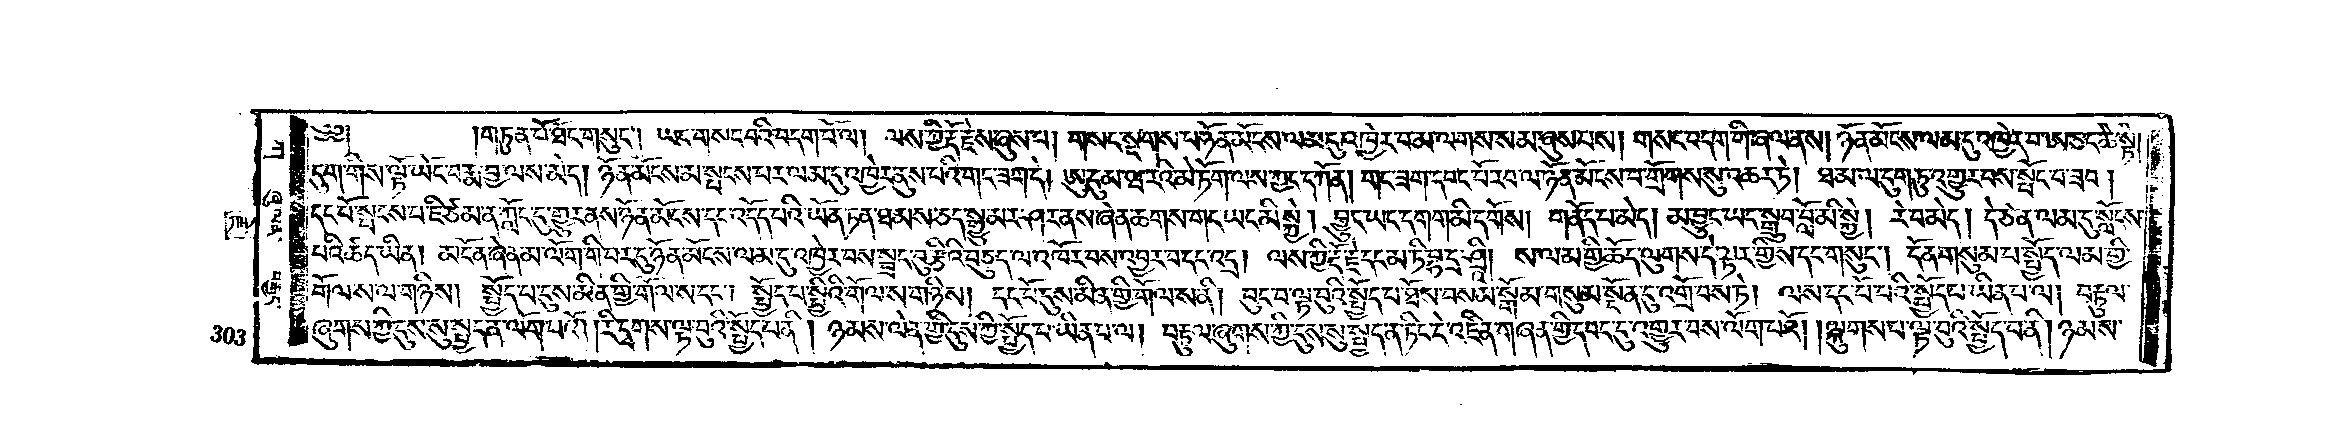༄༅། །གཏུན་པོ་ཐོང་གསུང་། ཡང་གསང་བའི་བདག་པོ་ལ། ལས་ཀྱི་རྡོ་རྗེས་ཞུས་པ། གསང་སྔགས་པ་ཉོན་མོངས་ལམ་དུ་འཁྱེར་བ་མ་ལགས་སམ་ཞུས་པས། གསང་བདག་གི་ཞལ་ནས། ཉོན་མོངས་ལམ་དུ་འཁྱེར་བ་ཨ་ཅང་ཆཻ་སྟི།
དུག་གིས་ལྟོ་ཡོང་བ་རྨ་བྱ་ལས་མེད། ཉོན་མོངས་མ་སྤངས་པར་ལམ་དུ་འཁྱེར་ནུས་པའི་གང་ཟག་དེ། ཨུ་དུ་མ་ཝ་རའི་མེ་ཏོག་ལས་ཀྱང་དཀོན། གང་ཟག་དབང་པོ་རབ་ལ་ཉོན་མོངས་པ་གྲོགས་སུ་འཆར་ཏེ། ཐ་མ་ལ་དུག་ཏུ་འགྱུར་བས་སྤོང་བ་ཟབ།
དང་པོ་སྤངས་པ་ཇི་ཙམ་ན་ཀློང་དུ་གྱུར་ནས་ཉོན་མོངས་དང་འདོད་པའི་ཡོན་ཏན་ཐམས་ཅད་སྒྱུ་མར་ཤར་ནས་ཞེན་ཆགས་གང་ཡང་མི་སྐྱེ། བྱུང་ཡང་དགག་མི་དགོས། གནོད་པ་མེད། མ་བྱུང་ཡང་སྒྲུབ་བློ་མི་སྐྱེ། རེ་བ་མེད། དེ་ཙན་ལམ་དུ་སློངས་
པའི་ཚད་ཡིན། མངོན་ཞེན་མ་ལོག་གི་བར་དུ་ཉོན་མོངས་ལམ་དུ་འཁྱེར་བས་སྦྲང་བུ་རྩིའི་བཅུད་ལ་འཁོར་བས་འབྱར་བ་དང་འདྲ། ལས་ཀྱི་རྡོ་རྗེ་དང་མ་ཏི་བྷ་དྲ་ཤྲཱི། ས་ལམ་གྱི་ཆོད་ལུགས་དེ་ལྟར་གྱིས་དང་གསུང་། དོན་གསུམ་པ་སྤྱོད་ལམ་གྱི་
གོལ་ས་ལ་གཉིས། སྤྱོད་པ་དུས་མིན་གྱི་གོལ་ས་དང་། སྤྱོད་པ་སྤྱིའི་གོལ་ས་གཉིས། དང་པོ་དུས་མིན་གྱི་གོལ་ས་ནི། བུང་བ་ལྟ་བུའི་སྤྱོད་པ་ཐོས་བསམ་སྒོམ་གསུམ་སྔོན་དུ་འགྲོ་བས་ཏེ། ལས་དང་པོ་པའི་སྤྱོད་པ་ཡིན་པ་ལ། བརྟུལ་
ཞུགས་ཀྱི་དུས་སུ་སྤྱད་ན་ལོག་པའོ། །རི་དྭགས་ལྟ་བུའི་སྤྱོད་པ་ནི། ཉམས་ལེན་གྱི་དུས་ཀྱི་སྤྱོད་པ་ཡིན་པ་ལ། བརྟུལ་ཞུགས་ཀྱི་དུས་སུ་སྤྱད་ན་ཏིང་ངེ་འཛིན་གཞན་གྱི་དབང་དུ་འགྱུར་བས་ལོག་པའོ། །ལྐུགས་པ་ལྟ་བུའི་སྤྱོད་པ་ནི། ཉམས་